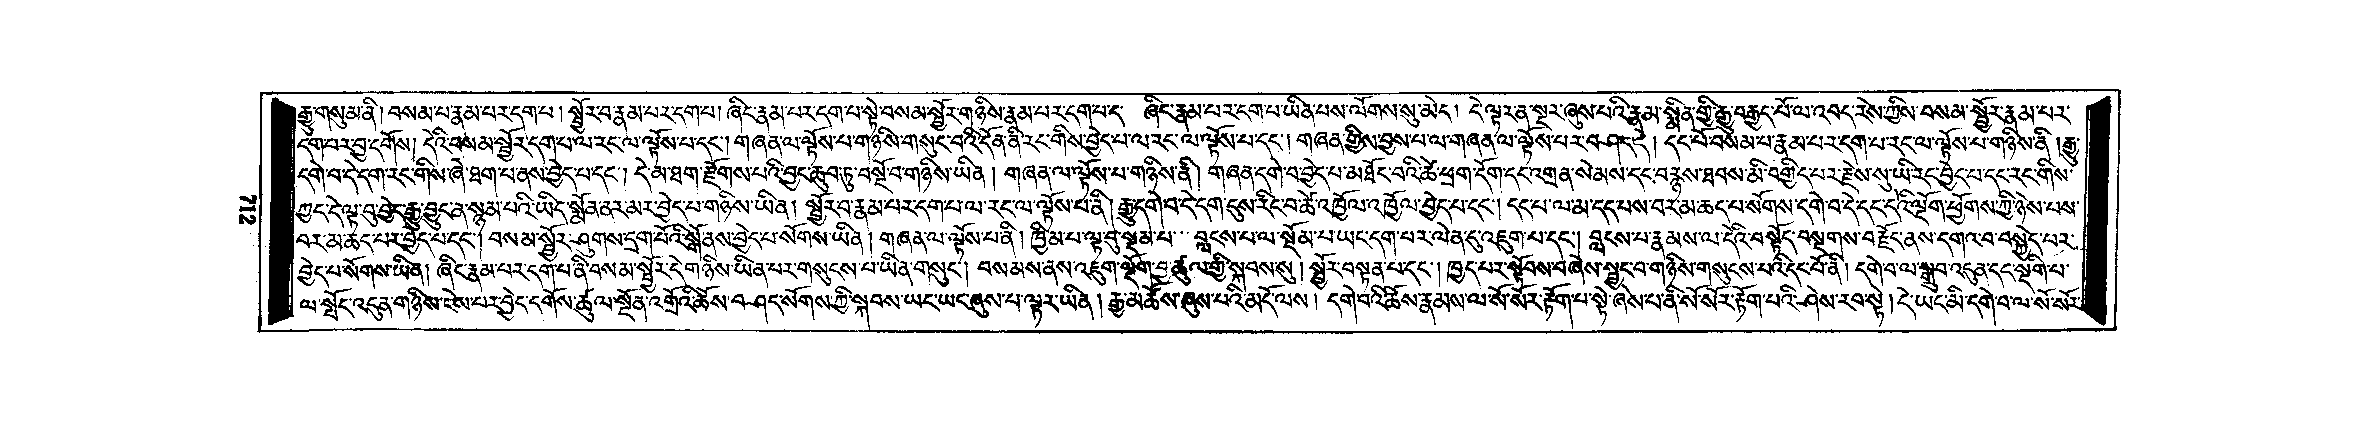རྒྱུ་གསུམ་ནི། བསམ་པ་རྣམ་པར་དག་པ། སྦྱོར་བ་རྣམ་པར་དག་པ། ཞིང་རྣམ་པར་དག་པ་སྟེ་བསམ་སྦྱོར་གཉིས་རྣམ་པར་དག་པ་ད་ཞིང་རྣམ་པར་དག་པ་ཡིན་པས་ལོགས་སུ་མེད། དེ་ལྟར་ན་སྔར་ཞུས་པའི་རྣམ་སྨིན་གྱི་རྒྱུ་བརྒྱད་པོ་ལ་འབད་རེས་ཀྱིས་བསམ་སྦྱོར་རྣམ་པར་
དག་པར་བྱ་དགོས། དེའི་བསམ་སྦྱོར་དག་པ་ལ་རང་ལ་ལྟོས་པ་དང་། གཞན་ལ་ལྟོས་པ་གཉིས་གསུང་བའི་དོན་ནི་རང་གིས་བྱེད་པ་ལ་རང་ལ་ལྟོས་པ་དང་། གཞན་གྱིས་བྱས་པ་ལ་གཞན་ལ་ལྟོས་པར་བཤད་དེ། དང་པོ་བསམ་པ་རྣམ་པར་དག་པ་རང་ལ་ལྟོས་པ་གཉིས་ནི། རྒྱུ་
དགེ་བ་དེ་དག་རང་གིས་ཞེ་ཐག་པ་ནས་བྱེད་པ་དང་། དེ་མ་ཐག་རྫོགས་པའི་བྱང་ཆུབ་ཏུ་བསྔོ་བ་གཉིས་ཡིན། གཞན་ལ་ལྟོས་པ་གཉིས་ནི། གཞན་དགེ་བ་བྱེད་པ་མཐོང་བའི་ཚེ་ཕྲག་དོག་དང་འགྲན་སེམས་དང་བརྙས་ཐབས་མི་བགྱིད་པར་རྗེས་སུ་ཡི་རང་བྱེད་པ་དང་རང་གིས་
ཀྱང་དེ་ལྟ་བུ་བྱེད་རྒྱུ་བྱུང་ན་སྙམ་པའི་ཡིད་སྨོན་ནར་མར་བྱེད་པ་གཉིས་ཡིན། སྦྱོར་བ་རྣམ་པར་དག་པ་ལ་རང་ལ་ལྟོས་པ་ནི། རྒྱུ་དགེ་བ་དེ་དག་དུས་རིང་བ་ཚེ་འཁྱོལ་འཁྱོལ་བྱེད་པ་དང་། དད་པ་ལ་མ་དད་པས་བར་མ་ཆད་པ་སོགས་དགེ་བ་དེ་དང་དེའི་ལྡོག་ཕྱོགས་ཀྱི་ཉེས་པས་
བར་མ་ཆད་པར་བྱེད་པ་དང་། བསམ་སྦྱོར་ཤུགས་དྲག་པོའི་སྒོ་ནས་བྱེད་པ་སོགས་ཡིན། གཞན་ལ་ལྟོས་པ་ནི། ཁྱིམ་པ་ལྟ་བུ་སྡམ་པ་བླངས་པ་ལ་སྡོམ་པ་ཡང་དག་པར་ལེན་དུ་འཇུག་པ་དང་། བླངས་པ་རྣམས་ལ་དེའི་བསྟོད་བསྔགས་བརྗོད་ནས་དགའ་བ་བསྐྱེད་པར་
བྱེད་པ་སོགས་ཡིན། ཞིང་རྣམ་པར་དག་པ་ནི་བསམ་སྦྱོར་དེ་གཉིས་ཡིན་པར་གསུངས་པ་ཡིན་གསུང་། བསམས་ནས་འཇུག་ལྡོག་བྱ་ཚུལ་གྱི་སྐབས་སུ། སྦྱོར་བསྟན་པ་དང་། ཁྱད་པར་སྟོབས་བཞེས་སྦྱང་བ་གཉིས་གསུངས་པའི་དང་པོ་ནི། དགེ་བ་ལ་སྒྲུབ་འདུན་དང་སྡིག་པ་
ལ་སྤོང་འདུན་གཉིས་ངེས་པར་བྱེད་དགོས་ཚུལ་སྔོན་འགྲོའི་ཆོས་བཤད་སོགས་ཀྱི་སྐབས་ཡང་ཡང་ཞུས་པ་ལྟར་ཡིན། རྒྱ་མཚོས་ཞུས་པའི་མདོ་ལས། དགེ་བའི་ཆོས་རྣམས་ལ་སོ་སོར་རྟོག་པ་སྟེ་ཞེས་པ་ནི་སོ་སོར་རྟོག་པའི་ཤེས་རབ་སྟེ། དེ་ཡང་མི་དགེ་བ་ལ་སོ་སོར་